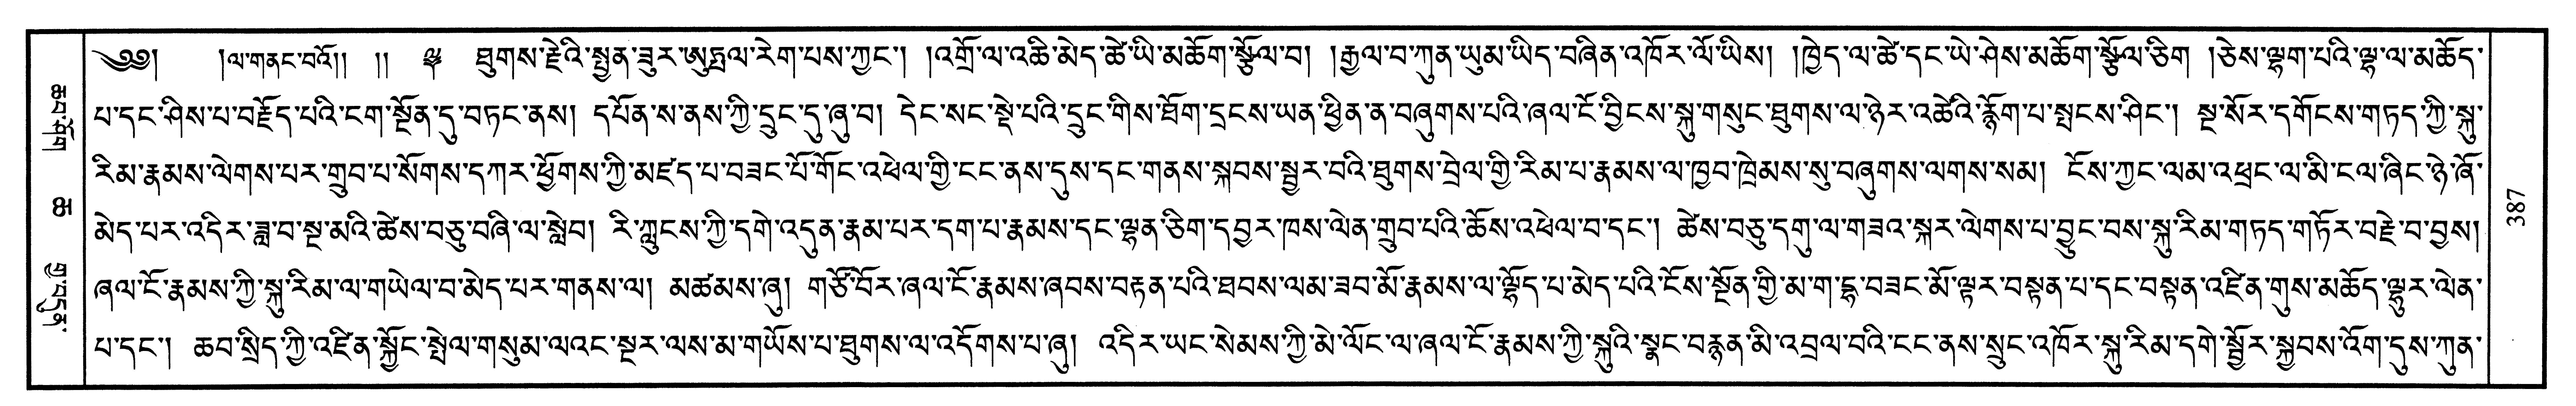༄༅། །ལ་གནང་བའོ།། །། ༈ ཐུགས་རྗེའི་སྤྱན་ཟུར་ཨུཏྤལ་རེག་པས་ཀྱང་། །འགྲོ་ལ་འཆི་མེད་ཚེ་ཡི་མཆོག་སྩོལ་བ། །རྒྱལ་བ་ཀུན་ཡུམ་ཡིད་བཞིན་འཁོར་ལོ་ཡིས། །ཁྱེད་ལ་ཚེ་དང་ཡེ་ཤེས་མཆོག་སྩོལ་ཅིག །ཅེས་ལྷག་པའི་ལྷ་ལ་མཆོད་
པ་དང་ཤིས་པ་བརྗོད་པའི་ངག་སྔོན་དུ་བཏང་ནས། དཔོན་ས་ནས་ཀྱི་དྲུང་དུ་ཞུ་བ། དེང་སང་སྡེ་པའི་དྲུང་གིས་ཐོག་དྲངས་ཡན་ཕྱིན་ན་བཞུགས་པའི་ཞལ་ངོ་བྱིངས་སྐུ་གསུང་ཐུགས་ལ་ཉེར་འཚེའི་རྙོག་པ་སྤངས་ཤིང་། སྔ་སོར་དགོངས་གཏད་ཀྱི་སྐུ་
རིམ་རྣམས་ལེགས་པར་གྲུབ་པ་སོགས་དཀར་ཕྱོགས་ཀྱི་མཛད་པ་བཟང་པོ་གོང་འཕེལ་གྱི་ངང་ནས་དུས་དང་གནས་སྐབས་སྦྱར་བའི་ཐུགས་བྲེལ་གྱི་རིམ་པ་རྣམས་ལ་ཁྱབ་ཁྲེམས་སུ་བཞུགས་ལགས་སམ། ངོས་ཀྱང་ལམ་འཕྲང་ལ་མི་ངལ་ཞིང་ཉེ་ཞོ་
མེད་པར་འདིར་ཟླ་བ་སྔ་མའི་ཚེས་བཅུ་བཞི་ལ་སླེབ། རི་ཀླུངས་ཀྱི་དགེ་འདུན་རྣམ་པར་དག་པ་རྣམས་དང་ལྷན་ཅིག་དབྱར་ཁས་ལེན་གྲུབ་པའི་ཆོས་འཕེལ་བ་དང་། ཚེས་བཅུ་དགུ་ལ་གཟའ་སྐར་ལེགས་པ་བྱུང་བས་སྐུ་རིམ་གཏད་གཏོར་བརྗེ་བ་བྱས།
ཞལ་ངོ་རྣམས་ཀྱི་སྐུ་རིམ་ལ་གཡེལ་བ་མེད་པར་གནས་ལ། མཚམས་ཞུ། གཙོ་བོར་ཞལ་ངོ་རྣམས་ཞབས་བརྟན་པའི་ཐབས་ལམ་ཟབ་མོ་རྣམས་ལ་ལྷོད་པ་མེད་པའི་ངོས་སྔོན་གྱི་མ་ག་དྷ་བཟང་མོ་ལྟར་བསྟན་པ་དང་བསྟན་འཛིན་གུས་མཆོད་ལྷུར་ལེན་
པ་དང་། ཆབ་སྲིད་ཀྱི་འཛིན་སྐྱོང་སྤེལ་གསུམ་ལའང་སྔར་ལས་མ་གཡོས་པ་ཐུགས་ལ་འདོགས་པ་ཞུ། འདིར་ཡང་སེམས་ཀྱི་མེ་ལོང་ལ་ཞལ་ངོ་རྣམས་ཀྱི་སྐུའི་སྣང་བརྙན་མི་འབྲལ་བའི་ངང་ནས་སྲུང་འཁོར་སྐུ་རིམ་དགེ་སྦྱོར་སྐྱབས་འོག་ཏུ་དུས་ཀུན་